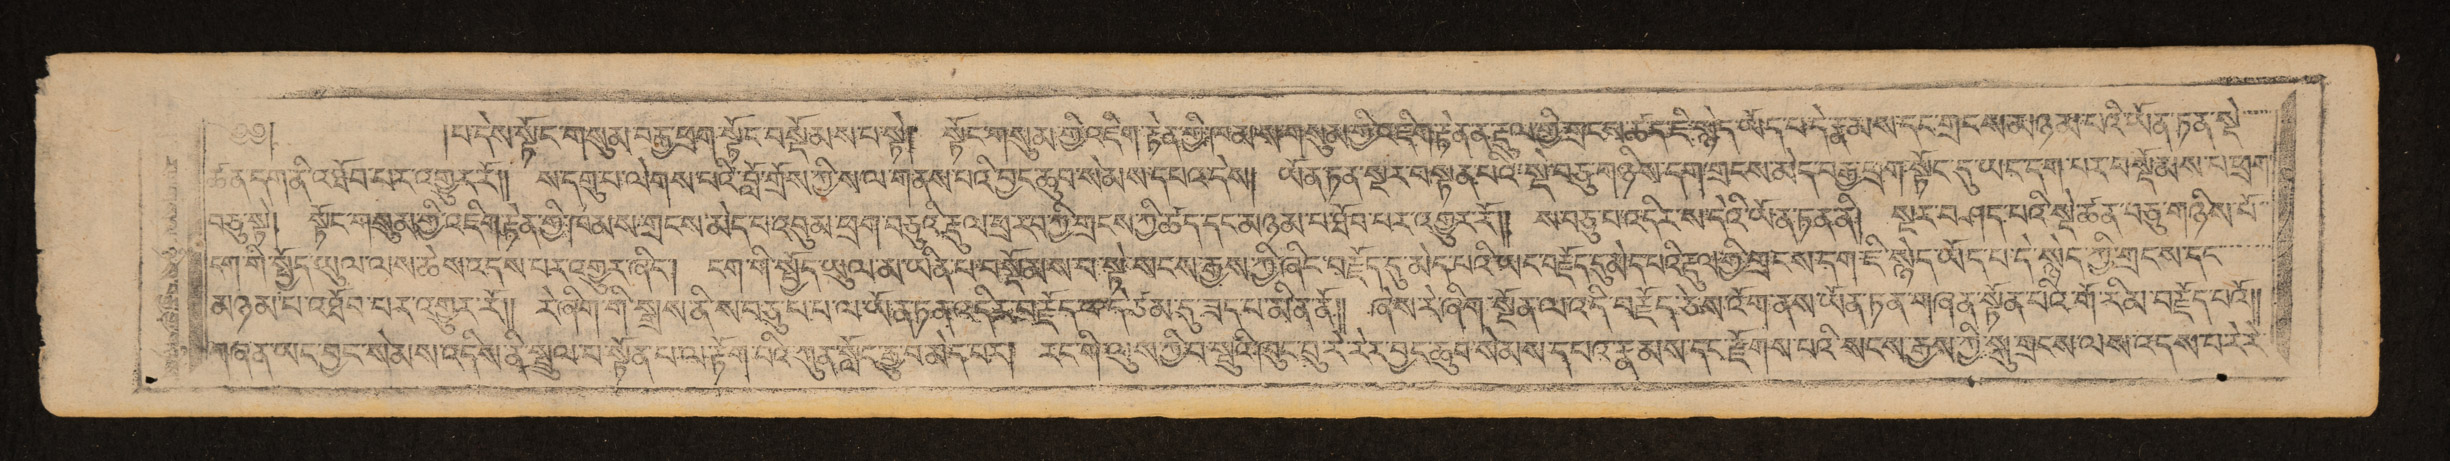༄༅། །པ་དེས་སྟོང་གསུམ་བརྒྱ་ཕྲག་སྟོང་བསྡོམས་པ་སྟེ། སྟོང་གསུམ་གྱི་འཇིག་རྟེན་གྱི་ཁམས་གསུམ་གྱི་འཇིག་རྟེན་ན་རྡུལ་གྱི་གྲངས་པ་ཚད་ཇི་སྙེད་ཡོད་པ་དེ་རྣམས་དང་གྲངས་མཉམ་པའི་ཡོན་ཏན་སྡེ་
ཚན་དག་ནི་འཐོབ་པར་འགྱུར་རོ།། ས་དགུ་པ་ལེགས་པའི་བློ་གྲོས་ཀྱི་ས་ལ་གནས་པའི་བྱང་ཆུབ་སེམས་དཔའ་དེས། ཡོན་ཏན་སྔར་བསྟན་པའི་སྡེ་བཅུ་གཉིས་དག་གྲངས་མེད་བརྒྱ་ཕྲག་སྟོང་དུ་ཡང་དག་པར་བསྡོམས་པ་ཕྲག་
བཅུ་སྟེ། སྟོང་གསུམ་གྱི་འཇིག་རྟེན་གྱི་ཁམས་གྲངས་མེད་པ་འབུམ་ཕྲག་བཅུའི་རྡུལ་ཕྲ་རབ་གྱི་གྲངས་ཀྱི་ཚད་དང་མཉམ་པ་ཐོབ་པར་འགྱུར་རོ།། ས་བཅུ་པ་འདིར་ས་དེའི་ཡོན་ཏན་ནི། སྔར་བཤད་པའི་སྡེ་ཚན་བཅུ་གཉིས་པོ་
ངག་གི་སྤྱོད་ཡུལ་ལས་ཆེས་འདས་པར་འགྱུར་ཞིང་། ངག་གི་སྤྱོད་ཡུལ་མ་ཡིན་པ་བསྡོམས་པ་སྟེ་སངས་རྒྱས་ཀྱི་ཞིང་བརྗོད་དུ་མེད་པའི་ཡང་བརྗོད་དུ་མེད་པའི་རྡུལ་གྱི་གྲངས་དག་ཇི་སྙེད་ཡོད་པ་དེ་སྙེད་ཀྱི་གྲངས་དང་
མཉམ་པ་འཐོབ་པར་འགྱུར་རོ།། རེ་ཞིག་གི་སྒྲས་ནི་ས་བཅུ་པ་པ་ལ་ཡོན་ཏན་འདིར་བརྗོད་པ་དེ་ཙམ་དུ་ཟད་པ་མིན་ནོ།། ཞེས་རེ་ཞིག་སྔོན་ལ་འདི་བརྗོད་ཅེས་འོག་ནས་ཡོན་ཏན་གཞན་སྟོན་པའི་གོ་རིམ་བརྗོད་པའོ།།
གཞན་ཡང་བྱང་སེམས་འདིས་ནི་སྤྲུལ་པ་སྟོན་པ་ལ་རྟོག་པའི་ཀུན་སློང་རྒྱུ་བ་མེད་པར། རང་གི་ལུས་ཀྱི་བ་སྤུའི་ཁུང་བུ་རེ་རེར་བྱང་ཆུབ་སེམས་དཔའ་རྣམས་དང་རྫོགས་པའི་སངས་རྒྱས་ཀྱི་སྐུ་གྲངས་ལས་འདས་པ་རེ་རེ་